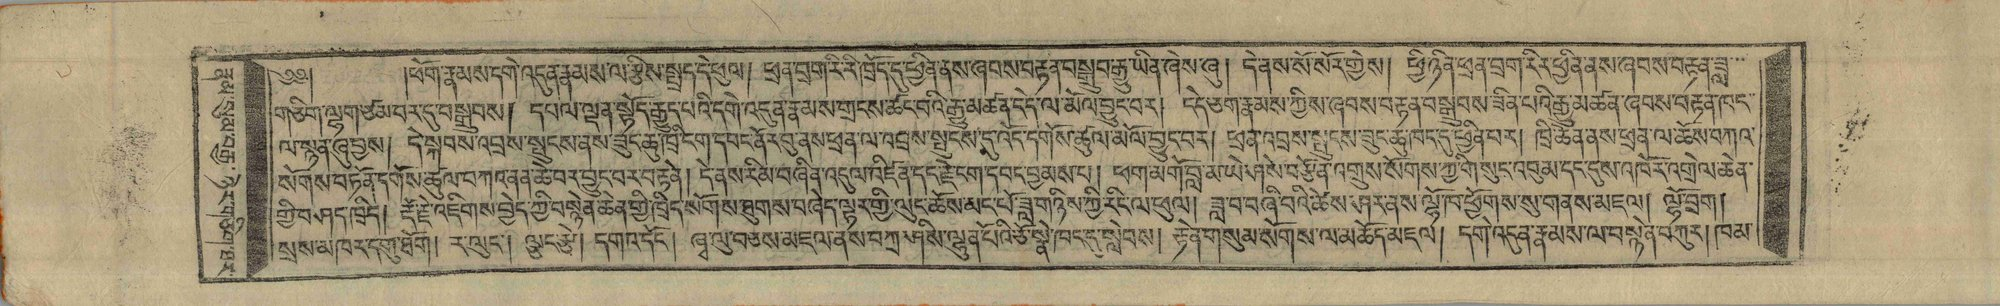༄༅། །ཕོག་རྣམས་དགེ་འདུན་རྣམས་ལ་རྩིས་སྤྲད་དེ་ཕུལ། ཕྲན་བྲག་རི་རི་ཁྲོད་དུ་ཕྱིན་ནས་ཞབས་བརྟན་བསྒྲུབ་རྒྱུ་ཡིན་ཞེས་ཞུ། དེ་ནས་སོ་སོར་གྱིས། ཕྱི་ཉིན་ཕྲན་བྲག་རིར་ཕྱིན་ནས་ཞབས་བརྟན་ཟླ་
གཅིག་ལྷག་ཙམ་བར་དུ་བསྒྲུབས། དཔལ་ལྡན་སྟོད་རྒྱུད་པའི་དགེ་འདུན་རྣམས་གྲངས་ཚང་བའི་རྒྱུ་མཚན་ངེད་ལ་མོལ་བྱུང་བར། ངེད་ཅག་རྣམས་ཀྱིས་ཞབས་བརྟན་བསྒྲུབས་ཟིན་པའི་རྒྱུ་མཚན་ཞབས་བརྟན་བསྒྲུབས་ཟིན་པའི་རྒྱུ་མཚན་ཞབས་བརྟན་ཁང་
ལ་སྙན་ཞུ་བྱས། དེ་སྐབས་འབྲས་སྤུངས་ནས་ཟུང་ཆུ་ཁྲི་ངག་དབང་ནོར་བུ་ནས་ཕྲན་ལ་འབྲས་སྤུངས་དུ་འོང་དགོས་ཚུལ་མོལ་བྱུང་བར། ཕྲན་འབྲས་སྤུངས་ཟུང་ཆུ་ཁང་དུ་ཕྱིན་པར། ཁྲི་ཆེན་ནས་ཕྲན་ལ་ཆོས་བཀའ་
སོགས་བཏོན་དགོས་ཚུལ་བཀའ་ནན་ཆེ་བར་བྱུང་བར་བརྟེན། དེ་ནས་རིམ་བཞིན་འདུལ་འཛིན་དང་རྗེ་ངག་དབང་བྱམས་པ། ཕག་མགོ་བླ་མ་ཡེ་ཤེས་བརྩོན་འགྲུས་སོགས་ཀྱི་གསུང་འབུམ་དང་དུས་འཁོར་འགྲེལ་ཆེན་
གྱི་བཤད་ཁྲིད། རྡོ་རྗེ་འཇིགས་བྱེད་ཀྱི་བསྙེན་ཆེན་གྱི་ཁྲིད་སོགས་ཐུགས་བཞེད་ལྟར་གྱི་ལུང་ཆོས་མང་པོ་ཟླ་གཉིས་ཀྱི་རིང་ལ་ཕུལ། ཟླ་བ་བཞི་བའི་ཚེས་ཤར་ནས་ལྷོ་ཁ་ཕྱོགས་སུ་གནས་མཇལ། ལྷོ་བྲག །
སྲས་མཁར་དགུ་ཐོག །ར་ལུང་། ལྕང་རྩེ། དགའ་དོང་། ཞྭ་ལུ་བཅས་མཇལ་ནས་བཀྲ་ཤིས་ལྷུན་པོའི་ཅོ་སྣེ་ཁང་དུ་སླེབས། རྟེན་གསུམ་སོགས་ལ་མཆོད་མཇལ། དགེ་འདུན་རྣམས་ལ་བསྙེན་བཀུར། ཁམ་